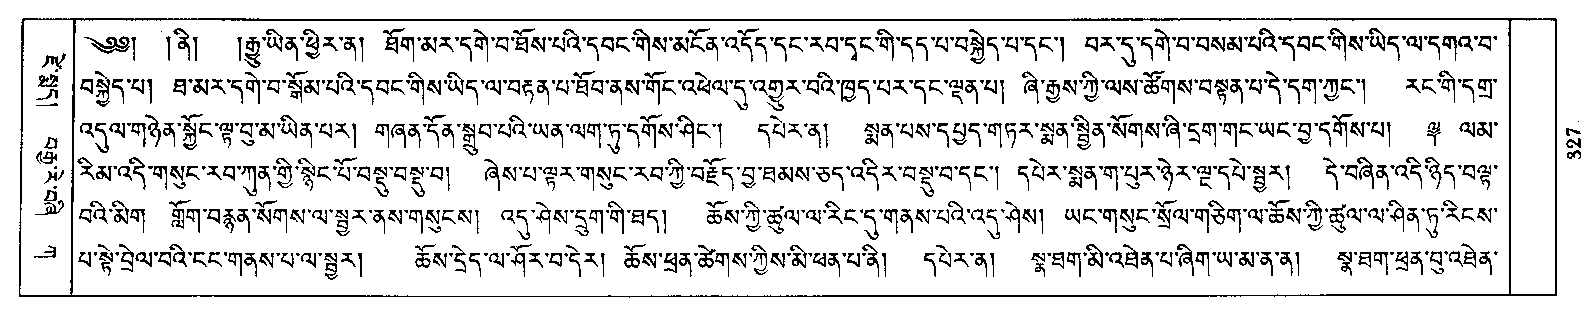༄༅། །ནི། །རྒྱུ་ཡིན་ཕྱིར་ན། ཐོག་མར་དགེ་བ་ཐོས་པའི་དབང་གིས་མངོན་འདོད་དང་རབ་དྭང་གི་དད་པ་བསྐྱེད་པ་དང་། བར་དུ་དགེ་བ་བསམ་པའི་དབང་གིས་ཡིད་ལ་དགའ་བ་
བསྐྱེད་པ། ཐ་མར་དགེ་བ་སྒོམ་པའི་དབང་གིས་ཡིད་ལ་བརྟན་པ་ཐོབ་ནས་གོང་འཕེལ་དུ་འགྱུར་བའི་ཁྱད་པར་དང་ལྡན་པ། ཞི་རྒྱས་ཀྱི་ལས་ཚོགས་བསྟན་པ་དེ་དག་ཀྱང་། རང་གི་དགྲ་
འདུལ་གཉེན་སྐྱོང་ལྟ་བུ་མ་ཡིན་པར། གཞན་དོན་སྒྲུབ་པའི་ཡན་ལག་ཏུ་དགོས་ཤིང་། དཔེར་ན། སྨན་པས་དཔྱད་གཏར་སྨན་སྦྱིན་སོགས་ཞི་དྲག་གང་ཡང་བྱ་དགོས་པ། ༈ ལམ་
རིམ་འདི་གསུང་རབ་ཀུན་གྱི་སྙིང་པོ་བསྡུ་བསྡུ་བ། ཞེས་པ་ལྟར་གསུང་རབ་ཀྱི་བརྗོད་བྱ་ཐམས་ཅད་འདིར་བསྡུ་བ་དང་། དཔེར་སྨན་ག་པུར་ཉེར་ལྔ་དཔེ་སྦྱར། དེ་བཞིན་འདི་ཉིད་བལྟ་
བའི་མིག་གློག་བརྙན་སོགས་ལ་སྦྱར་ནས་གསུངས། འདུ་ཤེས་དྲུག་གི་ཐད། ཆོས་ཀྱི་ཚུལ་ལ་རིང་དུ་གནས་པའི་འདུ་ཤེས། ཡང་གསུང་སྲོལ་གཅིག་ལ་ཆོས་ཀྱི་ཚུལ་ལ་ཤིན་ཏུ་རིངས་
པ་སྟེ་བྲེལ་བའི་ངང་གནས་པ་ལ་སྦྱར། ཆོས་དྲེད་ལ་ཤོར་བ་དེར། ཆོས་ཕྲན་ཚེགས་ཀྱིས་མི་ཕན་པ་ནི། དཔེར་ན། སྣ་ཐག་མི་འཐེན་པ་ཞིག་ཡ་མ་ན་ན། སྣ་ཐག་ཕྲན་བུ་འཐེན་